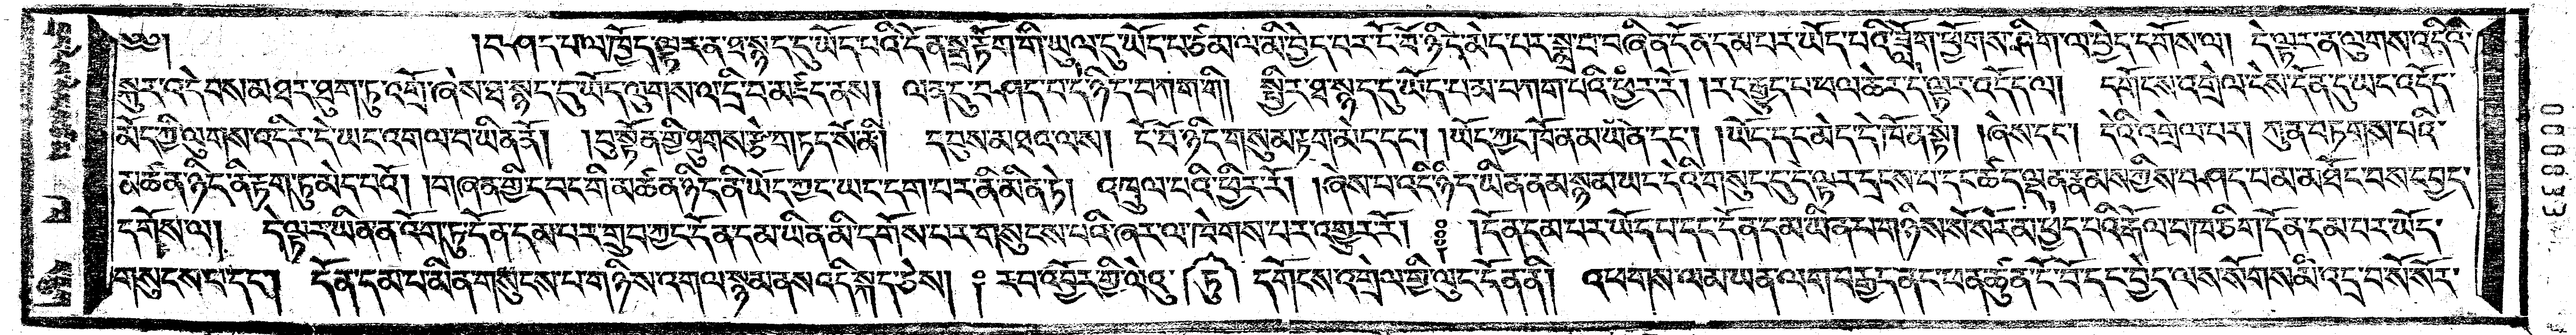༄༅། །བཤད་པ་ལ་ཁྱོད་ལྟར་ན་ཐ་སྙད་དུ་ཡོད་པའི་དོན་སྒྲ་རྟོག་གི་ཡུལ་དུ་ཡོད་པ་ཙམ་ལ་མི་བྱེད་པར་ངོ་བོ་ཉིད་མེད་པར་སྨྲ་བ་བཞིན་དོན་དམ་པར་ཡོད་པའི་ཟློག་ཕྱོགས་ཤིག་ལ་བྱེད་དགོས་ལ། དེ་ལྟར་ན་ལུགས་འདིའི་
སྐུར་འདེབས་མཐར་ཐུག་ཏུ་འགྲོ་ཞེས་ཐ་སྙད་དུ་ཡོད་ལུགས་ལ་དྲི་བ་མཛད་ནས། ལན་དུ་བཤད་པ་དེ་ཉིད་བཀག་གི། སྤྱིར་ཐ་སྙད་དུ་ཡོད་པ་མ་བཀག་པའི་ཕྱིར་རོ། །རང་རྒྱུད་པ་ཕལ་ཆེར་དེ་ལྟར་འདོད་ལ། དགོངས་འགྲེལ་ངེས་དོན་དུ་ཡང་འདོད་
མོད་ཀྱི་ལུགས་འདིར་དེ་ཡང་འགལ་བ་ཡིན་ནོ། །བུ་སྟོན་གྱི་ཐུགས་རྩེ་གཏད་སོ་ནི། དབུས་མཐའ་ལས། ངོ་བོ་ཉིད་གསུམ་རྟག་མེད་དང་། །ཡོད་ཀྱང་ཁོ་ན་མ་ཡིན་དང་། །ཡོད་དང་མེད་དེ་ཁོ་ན་སྟེ། །ཞེས་དང་། དེའི་འགྲེལ་པར། ཀུན་བཏགས་པའི་
མཚན་ཉིད་ནི་རྟག་ཏུ་མེད་པའོ། །གཞན་གྱི་དབང་གི་མཚན་ཉིད་ནི་ཡོད་ཀྱང་ཡང་དག་པར་ནི་མིན་ཏེ། འཁྲུལ་པའི་ཕྱིར་རོ། །ཞེས་པ་འདི་ཉིད་ཡིན་ནམ་སྙམ་ཡང་དེའི་གསུང་དུ་དེ་ལྟར་དྲངས་པ་དང་ཚད་ལྡན་རྣམས་ཀྱིས་བཤད་པ་མ་མཐོང་བས་དཔྱད་
དགོས་ལ། དེ་ལྟར་ཡིན་ན་འོག་ཏུ་དོན་དམ་པར་གྲུབ་ཀྱང་དོན་དམ་ཡིན་མི་དགོས་པར་གསུངས་པའི་ཞར་ལ་ཁེགས་པར་འགྱུར་རོ། ༈ །དོན་དམ་པར་ཡོད་པ་དང་དོན་དམ་ཡིན་པ་གཉིས་སོ་སོར་མ་ཕྱེད་པའི་རྒོལ་བ་ཁ་ཅིག་དོན་དམ་པར་ཡོད་
གསུངས་པ་དང་། དོན་དམ་པ་མིན་གསུངས་པ་གཉིས་འགལ་སྙམ་ནས་འདི་སྐད་ཅེས། ༑ རབ་འབྱོར་གྱི་ལེའུ ༼ཏུ༽ དགོངས་འགྲེལ་གྱི་ལུང་དོན་ནི། འཕགས་ལམ་ཡན་ལག་བརྒྱད་ནང་ཕན་ཚུན་ངོ་བོ་དང་བྱེད་ལས་སོགས་མི་འདྲ་བ་སོ་སོར་